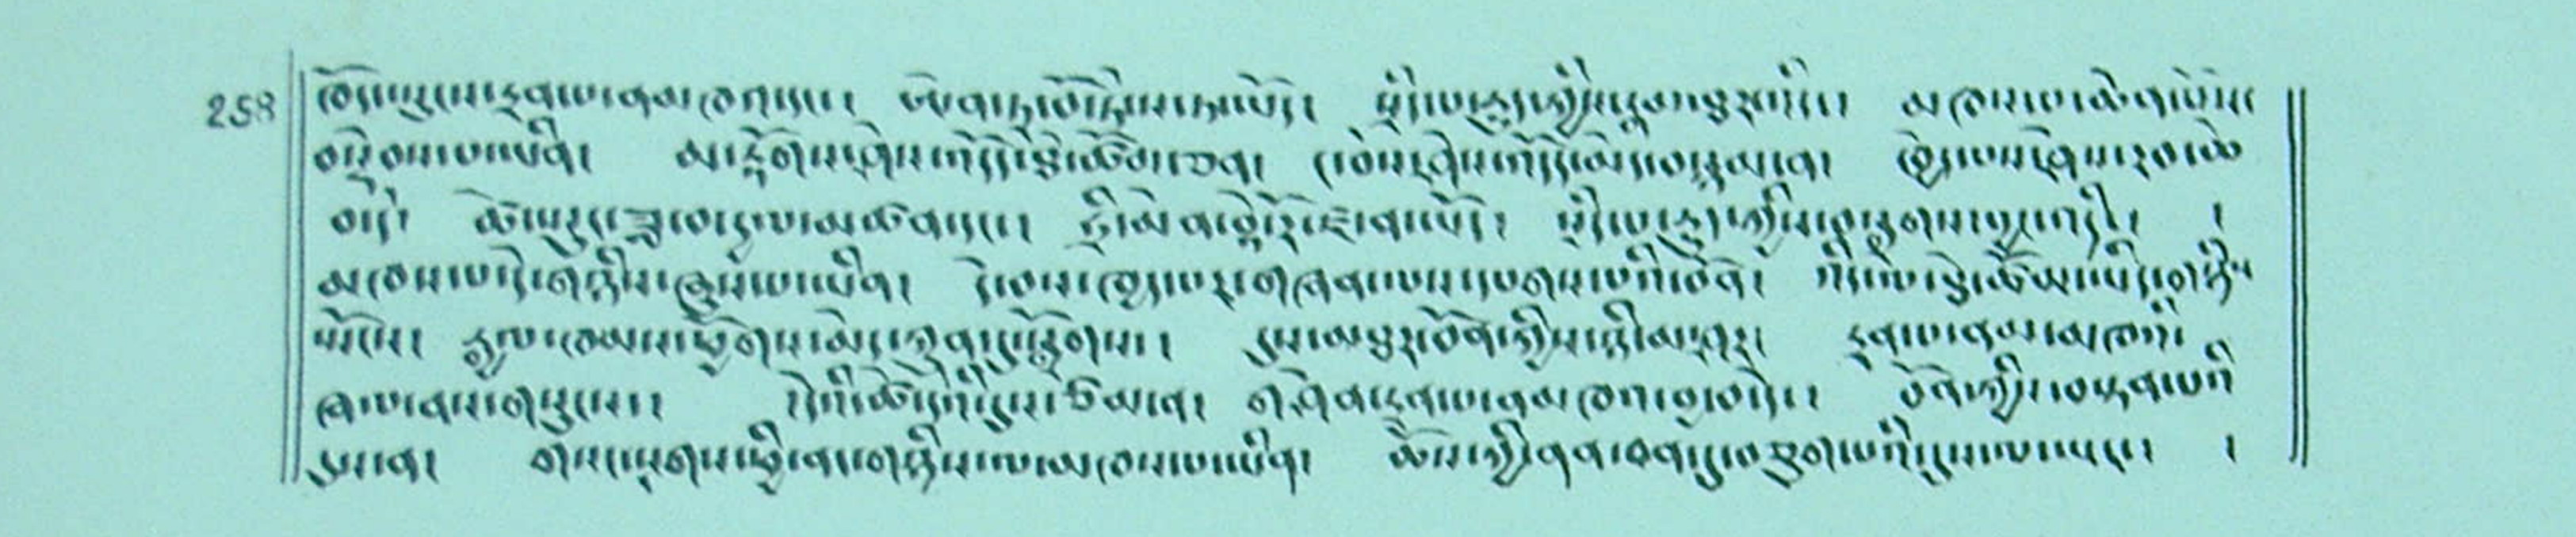ཁོད་སྤུངས་དྲན་པ་ནམ་མཁའ་དང་། ཨིན་ཏྲ་བོ་ཏི་ས་ཏ་ཡོད། སྲིད་པ་རྒྱུད་ཀྱི་རྣམ་ཐར་འདི། མཁས་པ་ཆེན་པོས་
སྡེབ་པ་ཡིན། མ་རྟོགས་ཤེས་འདོད་ཐེ་ཚོམ་ཅན། ང་བེས་ཤེས་འདོད་མེད་སྙམ་ན། ཁྱེད་པས་ཤེས་རབ་ཆེ་
བ་དེ། ཚེ་སྤུངས་ཟླ་བ་རྒྱལ་མཚན་དང་། ཧྲི་མེན་བྷེ་རོ་ཙ་ན་ཡོད། སྲིད་པ་རྒྱུད་ཀྱི་བསྒྲགས་བྱང་འདི། 
མཁས་པ་དེ་གཉིས་ཞུས་པ་ཡིན། དེ་བས་ཁྱད་པར་གཞན་ལས་དཔག་པའི་བོན། འདི་ལ་ཐེ་ཚོམ་ཡིད་གཉིས་
སྤོངས། རྒྱལ་ཁམས་ཕྱོགས་མེད་ཀུན་ཏུ་སྒྲོགས། དུས་མཐའ་བོན་གྱིས་ཉི་མ་ཤར། དྲན་པ་ནམ་མཁས་
ཞལ་ནས་གསུངས། དེའི་ཚེ་དེའི་དུས་ཙམ་ན། གཤེན་དྲན་པ་ནམ་མཁའ་བྱ་བ་དེ། བོན་གྱི་བསྟན་པའི་
དུས་ན། གསང་སྔགས་ཕྱི་ནང་གཉིས་ལ་མཁས་པ་ཡིན། ཆོས་ཀྱི་ནན་བན་དུ་བཅུག་པའི་དུས་ལ་ཡང་།